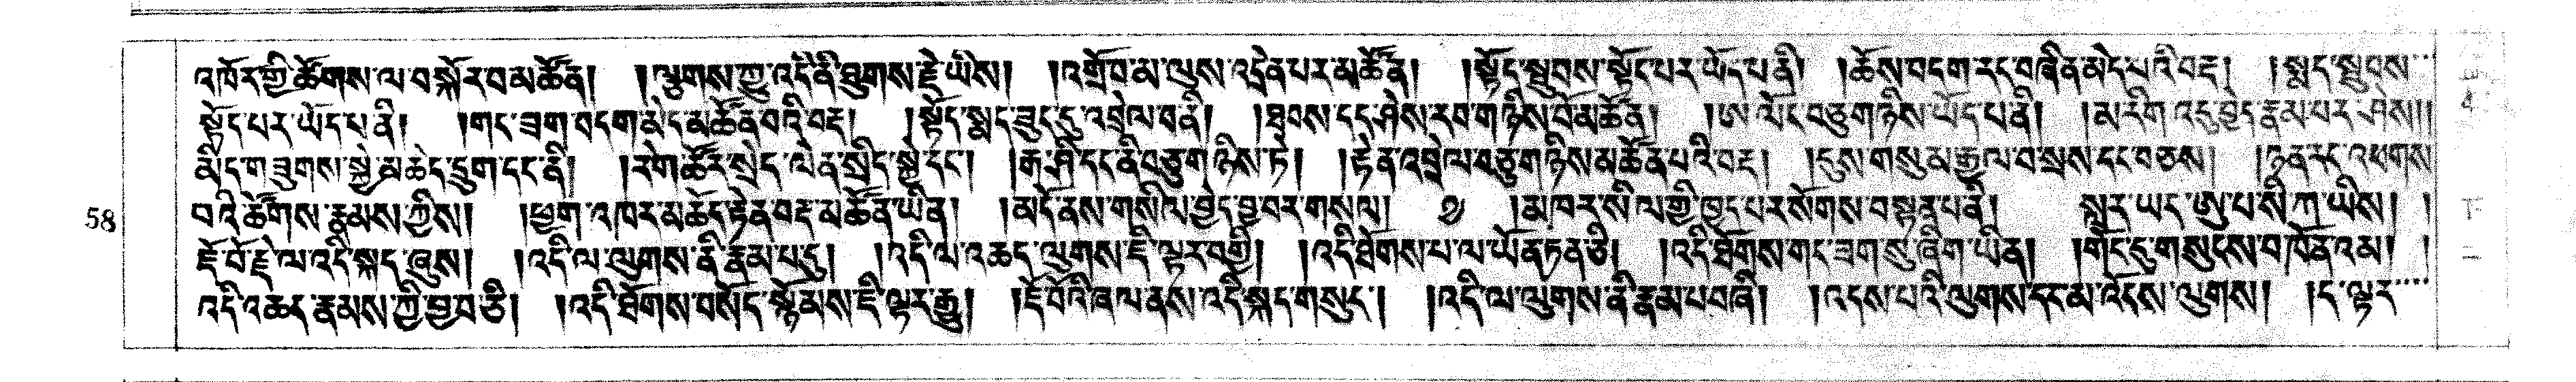འཁོར་གྱི་ཚོགས་ལ་བསྐོར་བ་མཚོན། །ལྕགས་ཀྱུ་འདི་ནི་ཐུགས་རྗེ་ཡིས། །འགྲོ་བ་མ་ལུས་འདྲེན་པར་མཚོན། །སྟོད་སྦུབས་སྟོད་པར་ཡོད་པ་ནི། །ཆོས་བདག་རང་བཞིན་མེད་པའི་བརྡ། །སྨད་སྦུབས་
སྟོད་པར་ཡོད་པ་ནི། །གང་ཟག་བདག་མེད་མཚོན་བའི་བརྡ། །སྟོད་སྨད་ཟུང་དུ་འབྲེལ་བ་ནི། །ཐབས་དང་ཤེས་རབ་གཉིས་བོ་མཚོན། །ཨ་ལོང་བཅུ་གཉིས་ཡོད་པ་ནི། །མ་རིག་འདུ་བྱེད་རྣམ་པར་ཤེས།།
མིད་གཟུགས་སྐྱེ་མཆེད་དྲུག་དང་ནི། །རེག་ཚོར་སྲེད་ལེན་སྲིད་སྐྱེ་དང་། །རྒ་ཤི་དང་ནི་བཅུ་གཉིས་ཏེ། །རྟེན་འབྲེལ་བཅུ་གཉིས་མཚོན་པའི་བརྡ། །དུས་གསུམ་རྒྱལ་བ་སྲས་དང་བཅས། །ཉན་རང་འཕགས་
བའི་ཚོགས་རྣམས་ཀྱིས། །ཕྱག་འཁར་མཆོད་རྟེན་བརྡ་མཚོན་ཡིན། །མདོ་ནས་གསིལ་བྱེད་བྱ་བར་གསལ། ༧་།མཁར་སིལ་གྱི་ཁྱད་པར་སོགས་བསྟན་པ་ནི། སླར་ཡང་ཨུ་པ་སི་ཀ་ཡིས། །
ཇོ་བོ་རྗེ་ལ་འདི་སྐད་ཞུས། །འདི་ལ་ལུགས་ནི་རྣམ་པ་དུ། །འདི་ལ་འཆད་ལུགས་ཇི་ལྟར་བགྱི། །འདི་ཐོགས་པ་ལ་ཡོན་ཏན་ཅི། །འདི་ཐོགས་གང་ཟག་སུ་ཞིག་ཡིན། །གོང་དུ་གསུངས་བ་ཁོ་ནའམ། །
འདི་འཆད་རྣམས་ཀྱི་བྱ་བ་ཅི། །འདི་ཐོགས་བསོད་སྙོམས་ཇི་ལྟར་རྒྱུ། །ཇོ་བོའི་ཞལ་ནས་འདི་སྐད་གསུང་། །འདི་ལ་ལུགས་ནི་རྣམ་པ་བཞི། །འདས་པའི་ལུགས་དང་མ་འོངས་ལུགས། །ད་ལྟར་